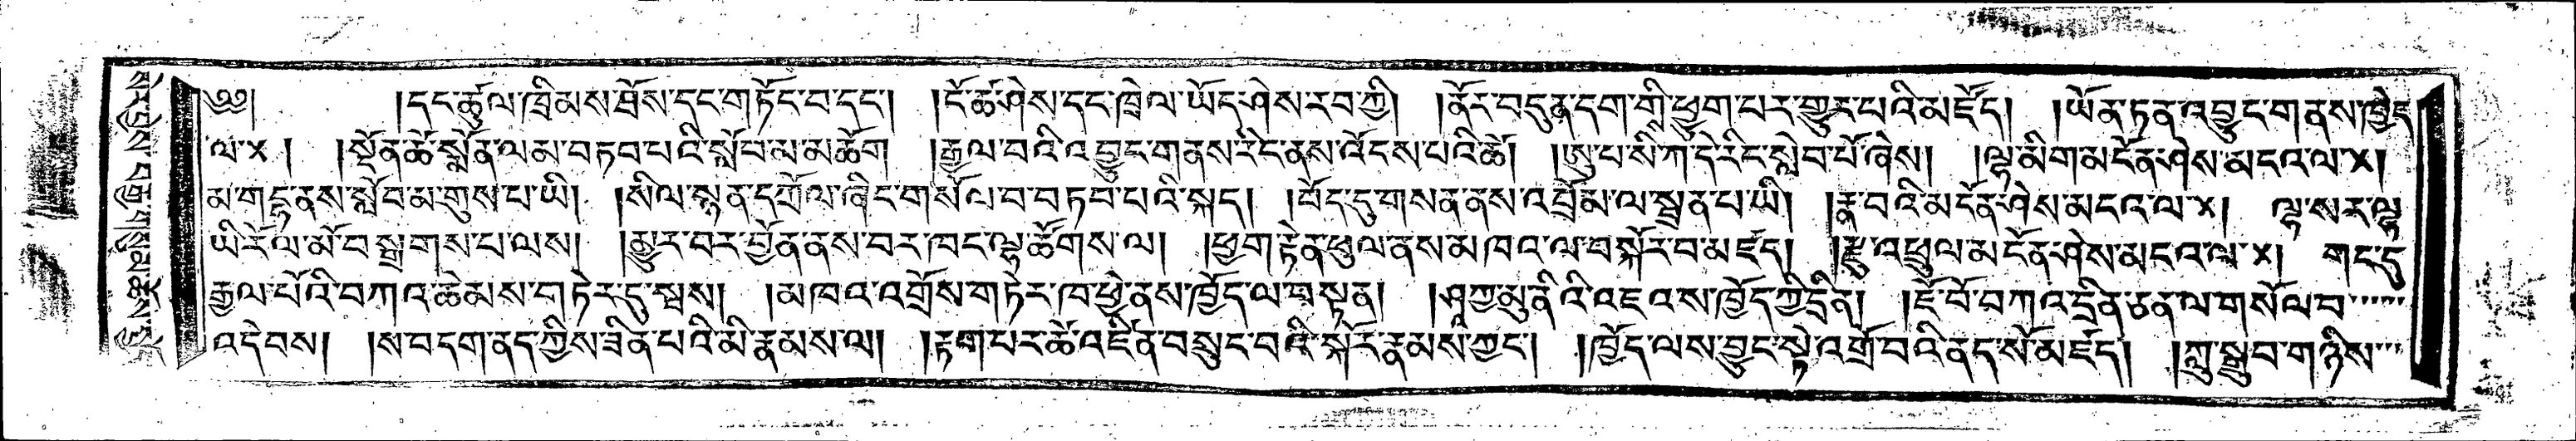༄༅། །དང་ཚུལ་ཁྲིམས་ཐོས་དང་གཏོང་བ་དང་། །ངོ་ཚ་ཤེས་དང་ཁྲེལ་ཡོད་ཤེས་རབ་ཀྱི། །ནོར་བདུན་དག་གིས་ཕྱུག་པར་གྱུར་པའི་མཛོད། །ཡོན་ཏན་འབྱུང་གནས་ཁྱེད་
ལ་{྾}། །སྔོན་ཚེ་སྨོན་ལམ་བཏབ་པའི་སློབ་མ་མཆོག །རྒྱལ་བའི་འབྱུང་གནས་རིང་ནས་འོངས་པའི་ཚེ། །ཨུ་པ་སི་ཀ་དེ་རིང་སླེབ་པོ་ཞེས། །ལྷ་མིག་མངོན་ཤེས་མངའ་ལ་{྾}། །
མ་གདྷ་ནས་སློབ་མ་གུས་པ་ཡི། །སིལ་སྙན་དཀྲོལ་ཞིང་གསོལ་བ་བཏབ་པའི་སྐད། །བོད་དུ་གསན་ནས་འབྲོམ་ལ་སྦྲན་པ་ཡི། །རྣ་བའི་མངོན་ཤེས་མངའ་ལ་{྾}། །ལྷ་སར་ལྷ་
ཡི་རོལ་མོ་བསྒྲགས་པ་ལས། །མྱུར་བར་བྱོན་ནས་བར་ཁང་ལྷ་ཚོགས་ལ། །ཕྱག་རྟེན་ཕུལ་ནས་མཁའ་ལ་བསྐོར་བ་མཛད། །རྫུ་འཕྲུལ་མངོན་ཤེས་མངའ་ལ་{྾}། གང་དུ་
རྒྱལ་པོའི་བཀའ་ཆེམས་གཏེར་དུ་སྦས། །མཁའ་འགྲོས་གཏེར་ཁ་ཕྱེ་ནས་ཁྱོད་ལ་བསྟན། །ཤཱཀྱ་མུ་ནིའི་འཇའ་ས་ཁྱོད་ཀྱི་དྲིན། །ཇོ་བོ་བཀའ་དྲིན་ཅན་ལ་གསོལ་བ་
འདེབས། །ས་བདག་ནད་ཀྱིས་ཟིན་པའི་མི་རྣམས་ལ། །རྟག་པར་ཚེ་འཛིན་བསྲུང་བའི་སྐོར་རྣམས་ཀྱང་། །ཁྱོད་ལས་བྱུང་སྟེ་འགྲོ་བའི་ནད་སོ་མཛད། །ཀླུ་སྒྲུབ་གཉིས་